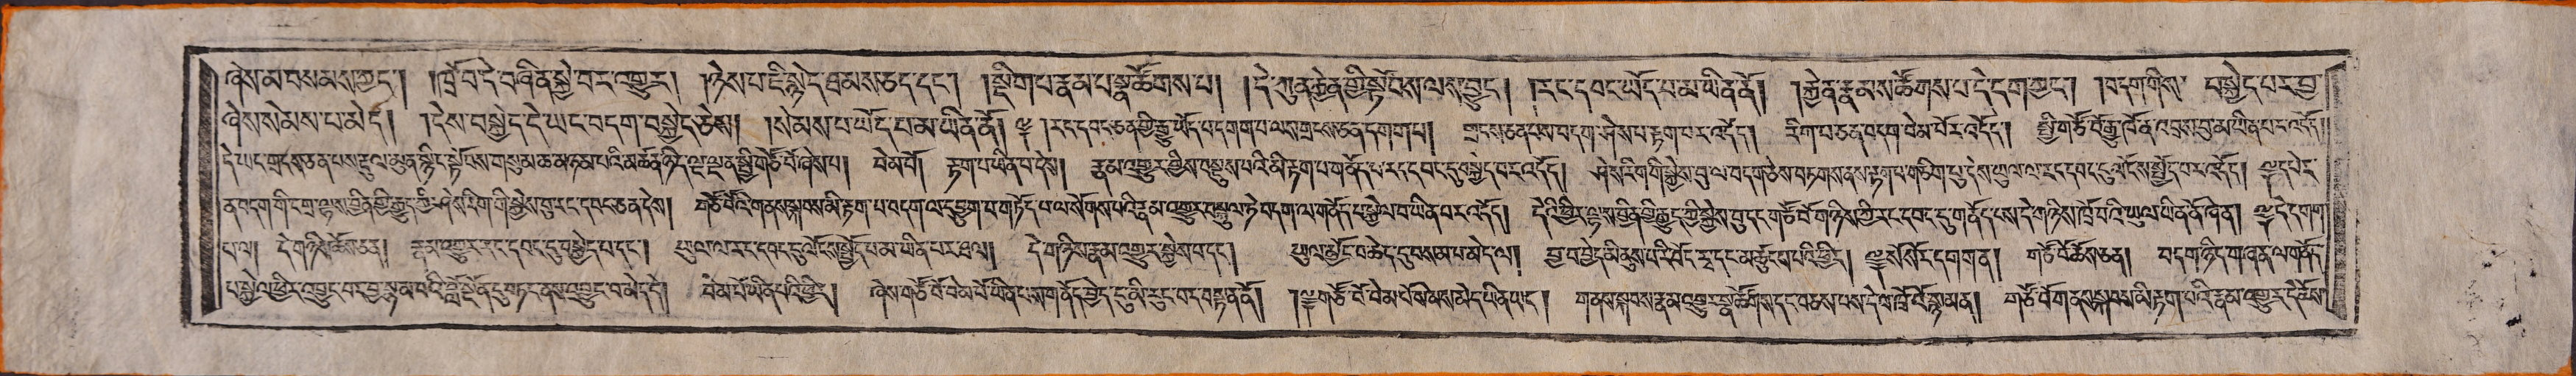ཞེས་མ་བསམས་ཀྱང་། །ཁྲོ་བ་དེ་བཞིན་སྐྱེ་བར་འགྱུར། །ཉེས་པ་ཇི་སྙེད་ཐམས་ཅད་དང་། །སྡིག་པ་རྣམ་པ་སྣ་ཚོགས་པ། །དེ་ཀུན་རྐྱེན་གྱི་སྟོབས་ལས་བྱུང་། །རང་དབང་ཡོད་པ་མ་ཡིན་ནོ། །རྐྱེན་རྣམས་ཚོགས་པ་དེ་དག་ཀྱང་། །བདག་གིས་བསྐྱེད་པར་བྱ་
ཞེས་སེམས་པ་མེད། །དེས་བསྐྱེད་དེ་ཡང་བདག་བསྐྱེད་ཅེས། །སེམས་པ་ཡོང་པ་མ་ཡིན་ནེ། ༈ །རང་དབང་ཅན་གྱི་རྒྱུ་ཡོད་པ་དགག་པ་ལས་གྲངས་ཅན་དགག་པ། གྲངས་ཅན་པས་བདག་ཤེས་པ་རྟག་པར་འདོད། རིག་པ་ཅན་བདག་བེམ་པོར་འདོད། སྤྱི་གཙོ་བོ་རྒྱུ་ཁོ་ན་འབྲས་བུ་མ་ཡིན་པར་འདོད་
དེ་ཡང་གྲངས་ཅན་པས་རྡུལ་མུན་སྙིང་སྟོབས་གསུམ་ཆ་མཉམ་པའི་མཚན་ཉིད་ལྔ་ལྡན་སྤྱི་གཙོ་བོ་ཞེས་པ། བེམ་པོ། རྟག་པ་ཡིན་པ་དེས། རྣམ་འགྱུར་གྱིས་བསྡུས་པའི་མི་རྟག་པ་གནོད་པ་རང་དབང་དུ་བསྐྱེད་པར་འདོད། ཤེས་རིག་གི་སྐྱེས་བུ་ལ་བདག་ཅེས་བཏགས་ནས་རྟག་པ་གཅིག་པུ་དེས་ཡུལ་ལ་རང་དབང་དུ་ལོངས་སྤྱོད་པར་འདོད། ༈ དཔེར་
ན་བདག་གི་དགྲ་ལྷས་བྱིན་གྱི་རྒྱུད་ཀྱི་ཤེས་རིག་གི་སྐྱེས་བུ་རང་དབང་ཅན་དེས། གཙོ་བོའི་གནས་སྐབས་མི་རྟག་བ་བདག་ལ་དབྱུག་པ་གཏོད་པ་ལ་སོགས་པའི་རྣམ་འགྱུར་བསྐུལ་ཏེ་བདག་ལ་གནོད་པ་སྐྱེལ་བ་ཡིན་པར་འདོད། དེའི་ཕྱིར་ལྷས་བྱིན་གྱི་རྒྱུད་ཀྱི་སྐྱེས་བུ་དང་གཙོ་བོ་གཉིས་ཀྱི་རང་དབང་དུ་གནོད་པས་དེ་གཉིས་ཁྲོ་བའི་ཡུལ་ཡིན་ནོ་ཞེ་ན། ༈ དེ་དགག་
པ་ལ། དེ་གཉིས་ཆོས་ཅན། རྣམ་འགྱུར་རང་དབང་དུ་བསྐྱེད་པ་དང་། ཡུལ་ལ་རང་དབང་དུ་ལོངས་སྤྱོད་པ་མ་ཡིན་པར་ཐལ། དེ་གཉིས་རྣམ་འགྱུར་སྐྱེས་པ་དང་། ཡུལ་མྱོང་བ་ཆེད་དུ་བསམ་པ་མེད་ལ། བྱ་བ་བྱེད་མི་ནུས་བ་རི་བོང་རྭ་དང་མཚུངས་པའི་ཕྱིར། ༈ སོ་སོར་དགག་ན། གཙོ་བོ་ཆོས་ཅན། བདག་ཉིད་གཞན་ལ་གནོད་
བ་སྐྱེལ་ཕྱིར་འབྱུང་བར་བྱ་སྙམ་པའི་བློ་སྔོན་དུ་བཏད་ནས་འབྱུང་བ་མེད་ད། བེམ་པོ་ཡིན་པའི་ཕྱིར། ཞེས་གཙོ་བོ་བེམ་པོ་ཡིན་པས་གནོད་བྱེད་དུ་མི་རུང་བར་བསྟན་ནོ། །༈ གཙོ་བོ་བེམ་པོ་སེམས་མེད་ཡིན་ཡང་། གནས་སྐབས་རྣམ་འགྱུར་སྣ་ཚོགས་དང་བཅས་པས་དེ་ལ་ཁྲོའོ་སྙམ་ན། གཙོ་བོ་གནས་སྐབས་མི་རྟག་པའི་རྣམ་འགྱུར་དེ་ཆོས་